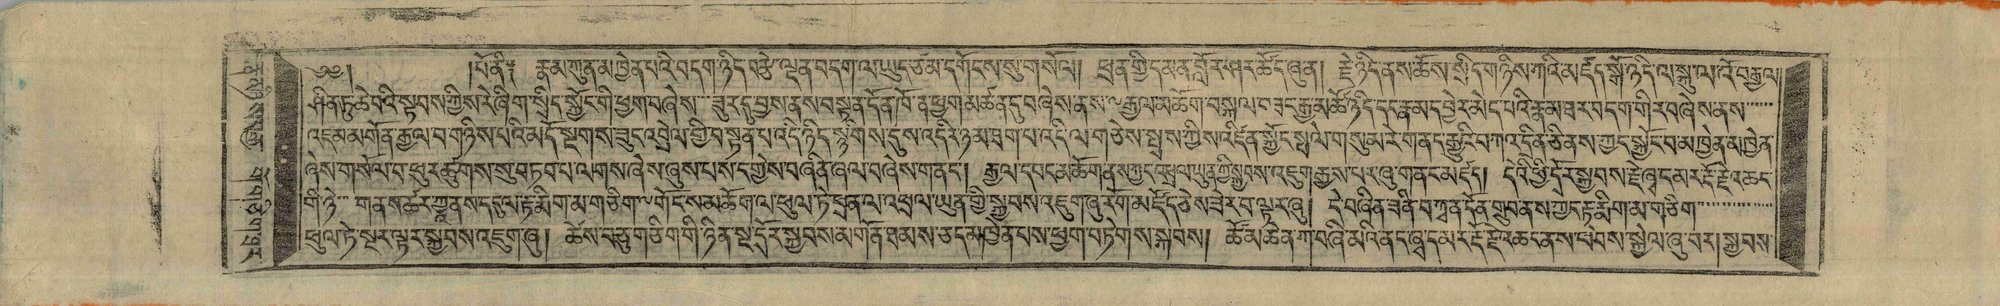༄༅། །པོ་ནི། རྣམ་ཀུན་མཁྱེན་པའི་བདག་ཉིད་བརྩེ་ལྡན་བདག་ལ་ཡུད་ཙམ་དགོངས་སུ་གསོལ། ཕྲན་གྱི་དམན་བློར་ཤར་ཚོད་ཞུ་ན། རྗེ་ཉིད་ནས་ཆོས་སྲིད་གཉིས་ཀའི་མཛད་སྒོ་ཉིད་ལ་སྐུ་ལ་འོ་བརྒྱལ་
ཤིན་ཏུ་ཆེ་བའི་སྟབས་ཀྱིས་རེ་ཞིག་སྲིད་སྐྱོང་གི་ཕྱག་བཞེས་ཟུར་དུ་བྱས་ནས་བསྟན་དོན་ཁོ་ན་ཕྱག་མཚན་དུ་བཞེས་ནས་༧རྒྱལ་མཆོག་བསྐལ་བཟང་རྒྱ་མཚོ་ཉིད་དང་རྣམ་དབྱེར་མེད་པའི་རྣམ་ཐར་བདག་གིར་བཞེས་ནས་
འཇམ་མགོན་རྒྱལ་བ་གཉིས་པའི་མདོ་སྔགས་ཟུང་འབྲེལ་གྱི་བསྟན་པ་འདི་ཉིད་སྙིགས་དུས་འདིར་ཉམ་ཐག་པ་འདི་ལ་གཅེས་སྤྲས་ཀྱིས་འཛིན་སྐྱོང་སྤེལ་གསུམ་རེ་གནང་རྒྱུའི་བཀའ་དྲིན་ཅི་ནས་ཀྱང་སྐྱོང་བ་མཁྱེན་མཁྱེན་
ཞེས་གསོལ་བ་ཕུར་ཚུགས་སུ་བཏབ་པ་ལགས་ཞེས་ཞུས་པས་དགྱེས་བཞིན་ཞལ་བཞེས་གནང་། རྒྱལ་དབང་མཆོག་ནས་ཀྱང་འཕྲལ་ཡུན་གྱི་སྐྱབས་འཇུག་རྒྱས་པར་ཞུ་གནང་མཛད། དེའི་ཕྱི་དྲོར་སྐྱབས་རྗེ་ཞྭ་དམར་རྡོ་རྗེ་འཆང་
གི་ཉེ་གནས་ཚར་ཀྱཱ་ན་ས་དངུལ་རྟ་རྨིག་མ་གཅིག་༧གོང་ས་མཆོག་ལ་ཕུལ་ཏེ་ཕྲན་ལ་འཕྲལ་ཡུན་གྱི་སྐྱབས་འཇུག་ཞུ་རོག་མཛོད་ཅེས་ཟེར་བ་ལྟར་ཞུ། དེ་བཞིན་ཟིན་བཀྭན་དོན་གྲུབ་ནས་ཀྱང་རྟ་རྨིག་མ་གཅིག་
ཕུལ་ཏེ་སྔར་ལྟར་སྐྱབས་འཇུག་ཞུ། ཚེས་བཅུ་གཅིག་གི་ཉིན་སྔ་དྲོར་སྐྱབས་མགོན་ཐམས་ཅད་མཁྱེན་པས་ཕྱག་བཏེགས་སྐབས། ཚོམ་ཆེན་ཀ་བཞི་མའི་ནང་ཞྭ་དམར་རྡོ་རྗེ་འཆང་ནས་ཕེབས་སྐྱེལ་ཞུ་བར། སྐྱབས་